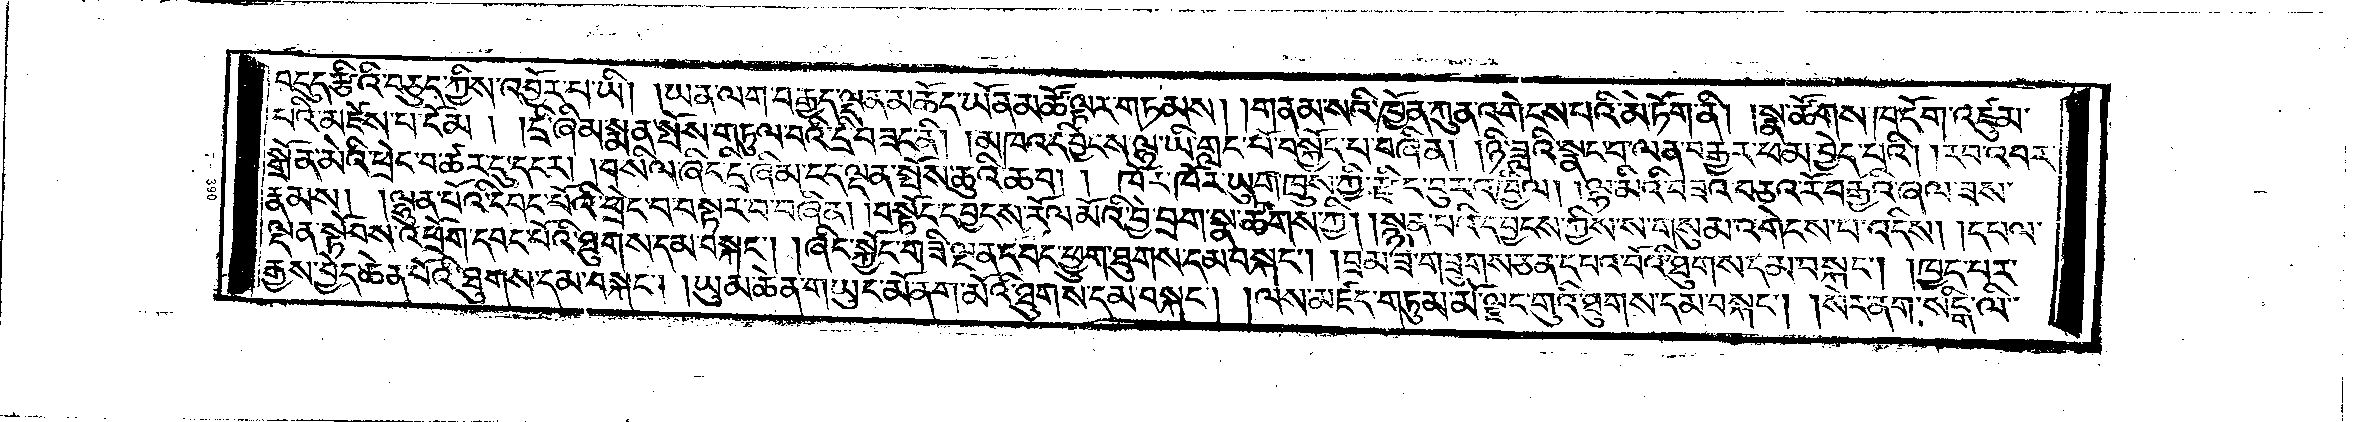བདུད་རྩིའི་བཅུད་ཀྱིས་འབྱོར་བ་ཡི། །ཡན་ལག་བརྒྱད་ལྡན་མཆོད་ཡོན་མཚོ་ལྟར་གཏམས། །གནམ་སའི་ཁྱོན་ཀུན་འགེངས་པའི་མེ་ཏོག་ནི། །སྣ་ཚོགས་ཁ་དོག་འཛུམ་
པའི་མཛེས་པ་དོམ། །དྲི་ཞིམ་སྨན་སྤོས་གཏུལ་བའི་དྲི་བཟང་ནི། །མཁའ་དབྱིངས་ལྷ་ཡི་གླང་པོ་བསྐྱོད་པ་བཞིན། །ཉི་ཟླའི་སྣང་བ་ལན་བརྒྱར་ཕམ་བྱེད་པའི། །རབ་འབར་
སྒྲོན་མེའི་ཕྲེང་བ་ཚར་དུ་དངར། །བསིལ་ཞིང་དྲི་ཞིམ་ངད་ལྡན་སྤོས་ཆུའི་ཆབ་།ཁོར་ཁོར་ཡུག་ཁྲུས་ཀྱི་རྫིང་བུར་འཁྱིལ། །ལྷ་མིའི་བཟའ་བཅའ་རོ་བརྒྱའི་ཞལ་ཟས་
རྣམས། །ལྷུན་པོའི་དབང་པོའི་ཕྲེང་པ་བསྟར་རབ་བཞིན། །བསྟོད་དབྱངས་རོལ་མོའི་བྱེ་བྲག་སྣ་ཚོགས་ཀྱི། །སྙན་པའི་དབྱངས་ཀྱིས་ས་གསུམ་འགེངས་པ་འདིས། །དཔལ་
ལྡན་སྟོབས་འཕྲོག་དབང་པོའི་ཐུགས་དམ་བསྐང་། །ཞིང་སྐྱོང་གཟི་ལྡན་དབང་ཕྱུག་ཐུགས་དམ་བསྐང་། །བྲམ་ཟ་གཟུགས་ཅན་དཔའ་བོའི་ཐུགས་དམ་བསྐང་། །ཁྱད་པར་
རྒྱས་བྱེད་ཆེན་པོའི་ཐུགས་དམ་བསྐང་། །ཡུམ་ཆེན་གཡུང་མོ་ནག་མོའི་ཐུགས་དམ་བསྐང་། །ལས་མཛད་གཏུམ་མོ་ལྗང་གུའི་ཐུགས་དམ་བསྐང་། །སེར་ནག་སིངྒ་ལི་